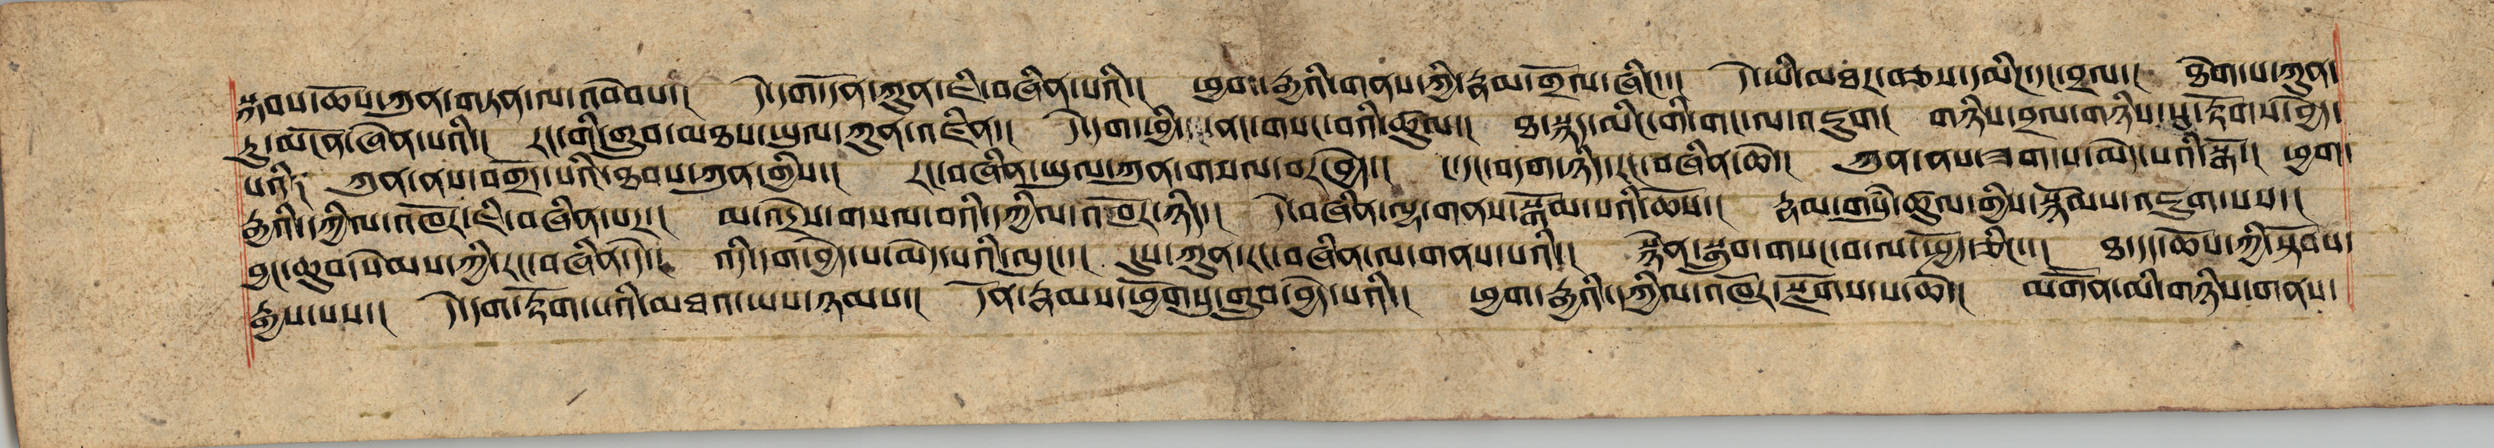སྐབས་ཆོས་ཀུན་གཏན་ལ་འབེབས་། དེ་དག་དོན་ཀུན་ཇི་བཞིན་པའི་། ཕྱག་རྒྱའི་གནས་ཀྱི་རྣམ་གྲོལ་ཞིང་་། དེ་ཡི་མཐར་བཅས་དམིཌ་དང་བྲལ་། ཐེག་པ་ཀུན་
ཏུ་མངོན་ཞེན་པའི་། རང་གི་གྲུབ་མཐས་ཡུལ་ཀུན་འཛིན་། དེ་དག་ཕྱི་ནང་གསང་བའི་ཚུལ་། ཐ་སྙད་མིང་གི་གང་ལ་འཇུག། གཉིས་བྲལ་གཉིས་སུ་རྟོགས་བྱེད་
པའི༑ ཀུན་ནས་བགྲོད་པའི་ཐབས་ཀུན་གྱིས་། རང་བཞིན་ཡུལ་ཀུན་གསལ་བར་བྱེད་། ང་དང་བདག་ཉིད་རང་བཞིན་ཆེ་། ཀུན་ནས་ཟག་པ་མེད་པའི་སྒོ་། ཕྱག་
རྒྱའི་དཀྱིལ་འཁོར་ཇི་བཞིན་པར་། མ་འདྲེས་གསལ་བའི་དཀྱིལ་འཁོར་ཉིད་། དེ་བཞིན་ལྷ་གནས་སྒོམ་པའི་ཆོས་། རྣམ་གསུཾ་ཚུལ་གྱིས་སྙོམས་འཇུག་པས་།
བྱང་ཆུབ་སེམས་ཀྱི་རང་བཞིན་དེ་། འདི་དག་བྱེད་པ་མེད་པའི་ལུང་་། དུས་ཀུན་རང་བཞིན་ལ་གནས་པའི་། སྙེན་སྒྲུབ་གསང་བ་ལ་སྤྱོད་ཅིང་་། ཐ་དད་ཆོས་ཀྱི་སྟོབས་
རྒྱས་པས་། དེ་དག་རྟོག་པའི་མཐའ་ཡས་ཉམས་། དོན་རྣམས་ཕྱོགསུ་གྲུབ་བྱེད་པའི་། ཕྱག་རྒྱའི་དཀྱིལ་འཁོར་སྫོགས་པ་ཆེ་། མགཽན་མི་གཉིས་གནས་